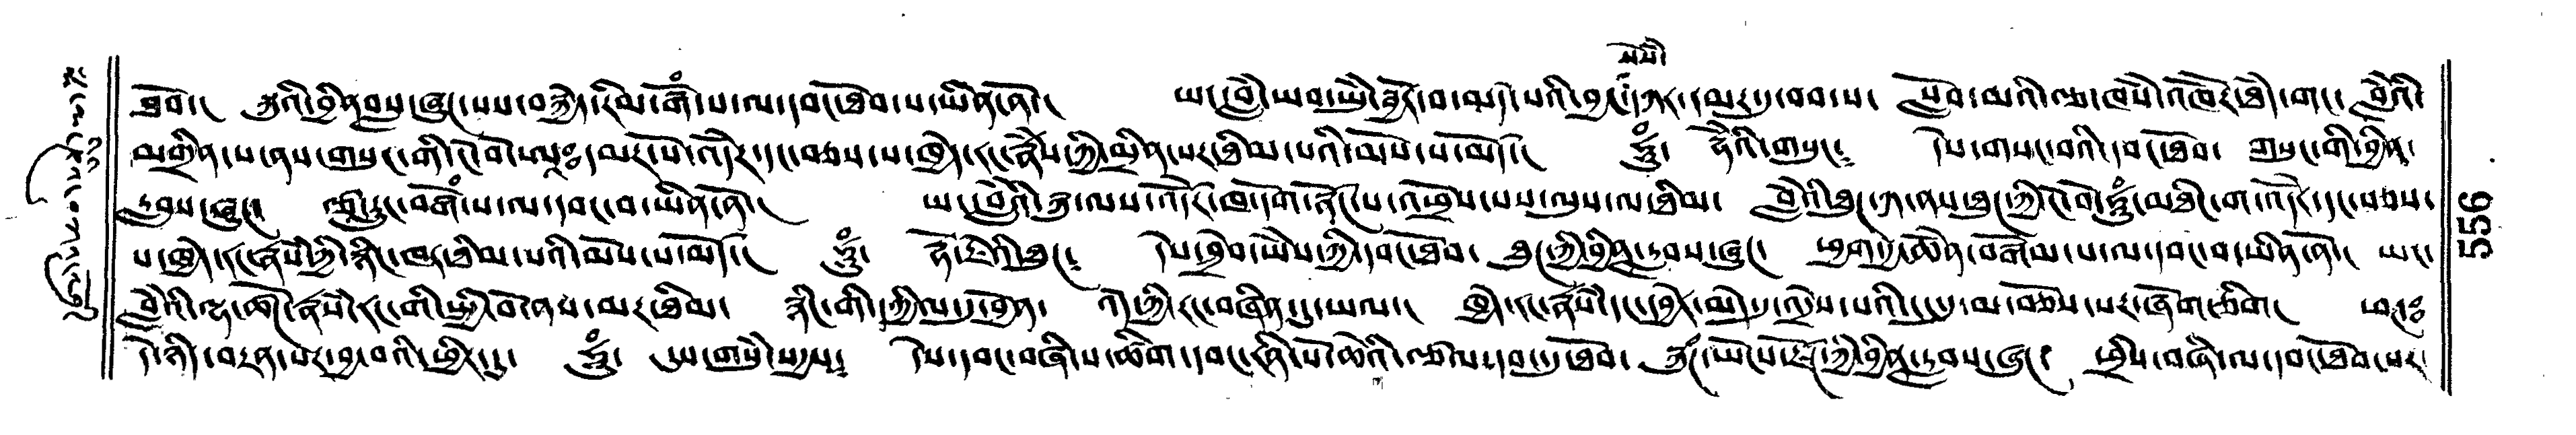ཐོབ། སྐུའི་བྱིན་རླབས་ཞུགས་པས་བསྐྱེད་རིམ་སྒོམ་པ་ལ་དབང་ཐོབ་པ་ཡིན་ནོ། ཡང་བླ་མ་ཡབ་ཡུམ་སྦྱོར་བ་མེད་པའི་བྱང་སེམས་དཀར་དམར་དུ་བབས་པ། སློབ་མའི་རྩ་ཁམས་འཁོར་ལོ་ཐམས་ཅད་གང་། བླ་མའི་
མགྲིན་པ་ནས་གསུང་གི་ངོ་བོ་ཨཱཿདམར་པོ་འོད་ཟེར་དང་བཅས་པ་ཁྱེད་རང་རྣམས་ཀྱི་མགྲིན་པར་ཐིམ་པའི་མོས་པ་མཛོད། ཧཱུྃ༔ རྡོ་རྗེའི་གསུང༴ དེས་གསང་བའི་དབང་ཐོབ། གསུང་གི་བྱིན་
རླབས་ཞུགས། རྩ་རླུང་བསྒོམ་པ་ལ་དབང་ལ་ཡིན་ནོ། ཡང་བླ་མའི་སྐུ་ལས་འོད་ཟེར་ཁ་དོག་སྣ་ཚོགས་པ་འཕྲོས་པས་ལུས་ལ་ཐིམ། བླ་མའི་ཐུགས་ཀ་ནས་ཐུགས་ཀྱི་ངོ་བོ་ཧཱུྃ་མཐིང་ག་འོད་ཟེར་དང་བཅས་
པ་ཁྱེད་རང་རྣམས་ཀྱི་སྙིང་ཁར་ཐིམ་པའི་མོས་པ་མཛོད།ཧཱུྃ༔ རྡོ་རྗེའི་ཐུགས༴ དེས་ཤེས་རབ་ཡེ་ཤེས་ཀྱི་དབང་ཐོབ། ཐུགས་ཀྱི་བྱིན་རླབས་ཞུགས། ཕྱག་རྒྱ་ཆེན་པོ་བསྒོམ་པ་ལ་དབང་བ་ཡིན་ནོ། ཡང་
བླ་མའི་ལྷ་ཚོགས་རྣམས་རང་གི་སྤྱི་བོ་ནས་མར་ཐིམ། སྙིང་གི་དཀྱིལ་དུ་བྱོན། འོད་ཀྱི་རང་བཞིན་དུ་ཡལ། ཁྱེད་རང་རྣམས་དང་དབྱེར་མེད་དུ་འདྲེས་པའི་ངང་དུ་མ་བཅོས་པར་ཞོག་ཅིག ཕཊཿ 
དེ་ཉིད་བརྟན་པར་བྱ་བའི་ཕྱིར་དུ། ཧཱུྃ༔ དུས་གསུམ་སངས་རྒྱས༴ དེས་དབང་བཞི་བ་ཚིག་དབང་རིན་པོ་ཆེའི་རྩལ་དབང་དུ་ཐོབ། སྐུ་གསུང་ཐུགས་ཡོངས་རྫོགས་ཀྱི་བྱིན་རླབས་ཞུགས། ཕྲིན་ལས་བཞི་ལ་དབང་ཐོབ་པར་